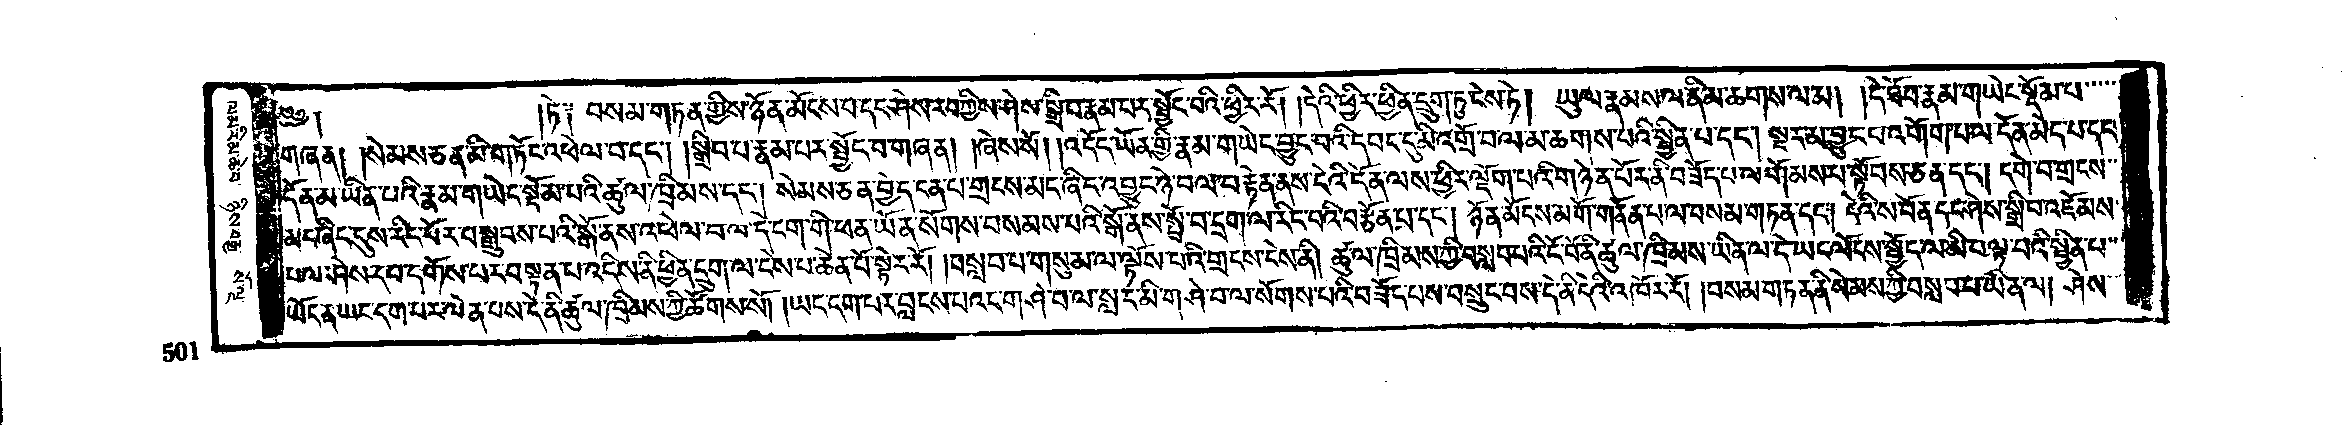༄༅། །ཏེ༑ བསམ་གཏན་གྱིས་ཉོན་མོངས་པ་དང་ཤེས་རབ་ཀྱིས་ཤེས་སྒྲིབ་རྣམ་པར་སྦྱོང་བའི་ཕྱིར་རོ། །དེའི་ཕྱིར་ཕྱིན་དྲུག་ཏུ་ངེས་ཏེ། ཡུལ་རྣམས་ལ་ནི་མ་ཆགས་ལམ། །དེ་ཐོབ་རྣམ་གཡེང་སྡོམ་པ་
གཞན། །སེམས་ཅན་མི་གཏོང་འཕེལ་བ་དང་། །སྒྲིབ་པ་རྣམ་པར་སྦྱོང་བ་གཞན། །ཞེས་སོ། །འདོད་ཡོན་གྱི་རྣམ་གཡེང་བྱུང་བའི་དབང་དུ་མི་འགྲོ་བ་ལ་མ་ཆགས་པའི་སྦྱིན་པ་དང་། སྔར་མ་བྱུང་བ་འགོག་པ་ལ་དོན་མེད་པ་དང་
དོན་མ་ཡིན་པའི་རྣམ་གཡེང་སྡོམ་པའི་ཚུལ་ཁྲིམས་དང་། སེམས་ཅན་བྱེད་ངན་པ་གྲངས་མང་ཞིང་འབྱུང་ཉེ་བ་ལ་བརྟེན་ནས་དེའི་དོན་ལས་ཕྱིར་ལྡོག་པའི་གཉེན་པོར་ནི་བཟོད་པ་ལ་གོམས་པ་སྟོབས་ཅན་དང་། དགེ་བ་གྲངས་
མང་ཞིང་དུས་རིང་པོར་བསྒྲུབས་པའི་སྒོ་ནས་འཕེལ་བ་ལ་དེ་དག་གི་ཕན་ཡོན་སོགས་བསམས་པའི་སྒོ་ནས་སྤྲོ་བ་དྲག་ལ་རིང་བའི་བརྩོན་པ་དང་། ཉོན་མོངས་མགོ་གནོན་པ་ལ་བསམ་གཏན་དང་། དེའི་ས་བོན་དང་ཤེས་སྒྲིབ་འཇོམས་
པ་ལ་ཤེས་རབ་དགོས་པར་བསྟན་པ་འདིས་ནི་ཕྱིན་དྲུག་ལ་ངེས་པ་ཆེན་པོ་སྟེར་རོ། །བསླབ་པ་གསུམ་ལ་ལྟོས་པའི་གྲངས་ངེས་ནི། ཚུལ་ཁྲིམས་ཀྱི་བསླབ་པའི་ངོ་བོ་ནི་ཚུལ་ཁྲིམས་ཡིན་ལ་དེ་ཡང་ལོངས་སྤྱོད་ལ་མི་བལྟ་བའི་སྦྱིན་པ་
ཡོད་ན་ཡང་དག་པར་ལེན་པས་དེ་ནི་ཚུལ་ཁྲིམས་ཀྱི་ཚོགས་སོ། །ཡང་དག་པར་བླངས་པའང་གཤེ་བ་ལ་སླར་མི་གཤེ་བ་ལ་སོགས་པའི་བཟོད་པས་བསྲུང་བས་དེ་ནི་དེའི་འཁོར་རོ། །བསམ་གཏན་ནི་སེམས་ཀྱི་བསླབ་པ་ཡིན་ལ། ཤེས་